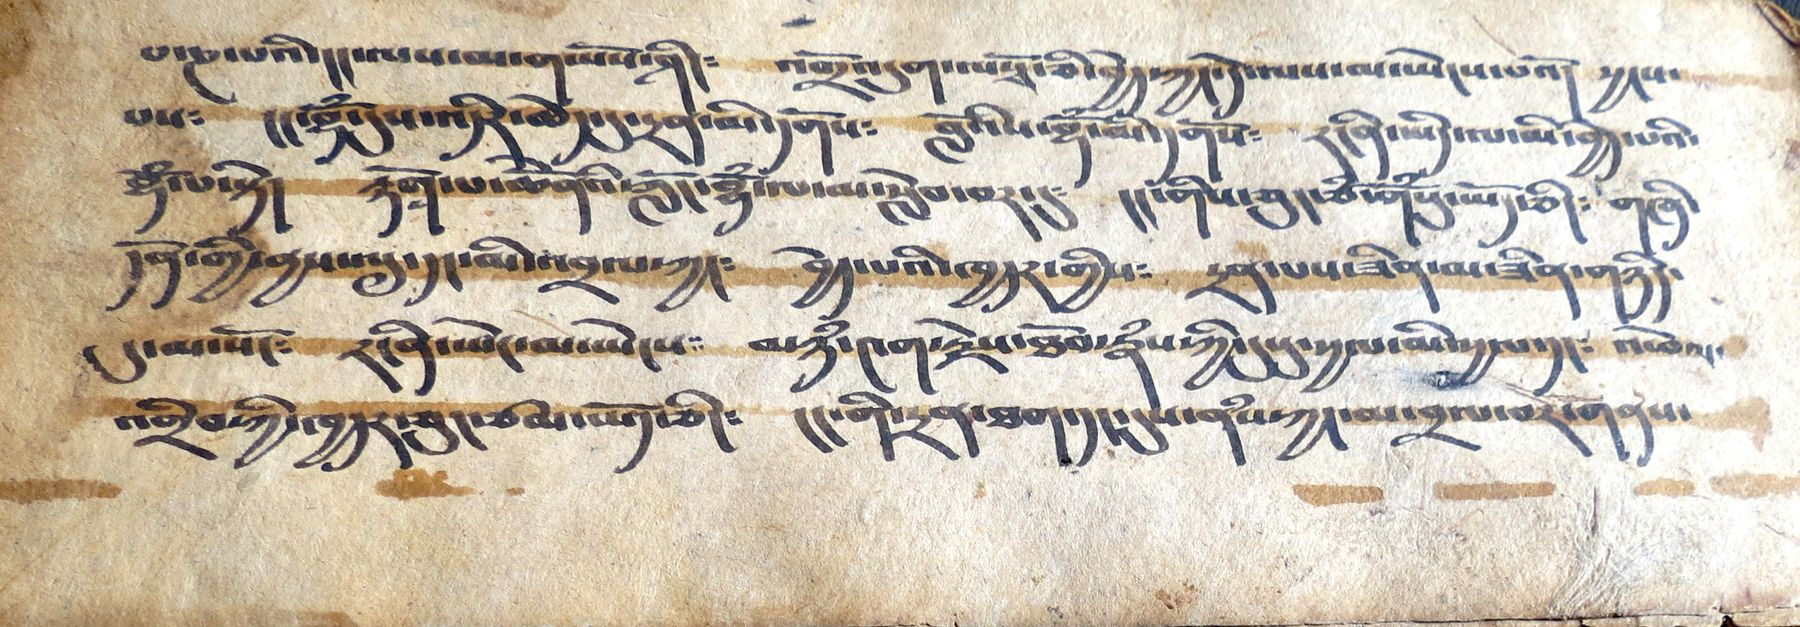པ་མེད་པའི་ངང་ལས་མ་གཡོས་ཤིང་། འགྲོ་འདུག་ལ་སོགས་ཅི་བྱེད་ཀྱང་དེ་ལས་མ་ཡེངས་པའོ། གསུངས་
པས། ངང་སྒོམ་དུས་འདིར། ཆེད་དུ་དྲན་མི་དགོས། བློ་ཡིས་སྒོམ་མི་དགོས། རང་བཞིན་ཡིད་ལ་མི་བྱེད་པའི་
སྒོམ་སྟེ། རྟོགས་པ་ཆེན་པོའི་ཀློང་ནས་མ་སླེབས་བར་དུ་ངང་གིས་ཅུང་ཞིག་གོམས་སུ་ཡོད་ཅིང་། གཞི་
དོན་གྱི་གནས་ལུགས་དང་མི་འབྲལ་ཀྱང་། བྱེད་པའི་ཁྱད་པར་གྱིས། དྲན་པས་ཟིན་མ་ཟིན། གཉིད་
དུ་སོང་མ་སོང་། རང་བཞིན་ཡེངས་མི་ཡེངས། མཉམ་བཞག་རྗེས་ཐོབ་རྣམས་ཀྱི་དུས་སུ་གསལ་མི་གསལ་དང་། འཕེལ་
འགྲིབ་ཀྱི་ཁྱད་པར་ཅུང་ཙམ་ཡོད་ཅིང་། ངང་གིས་དྲན་ཐག་དང་དུས་ནམ་ཡང་མ་བྲལ་བར་གནས་